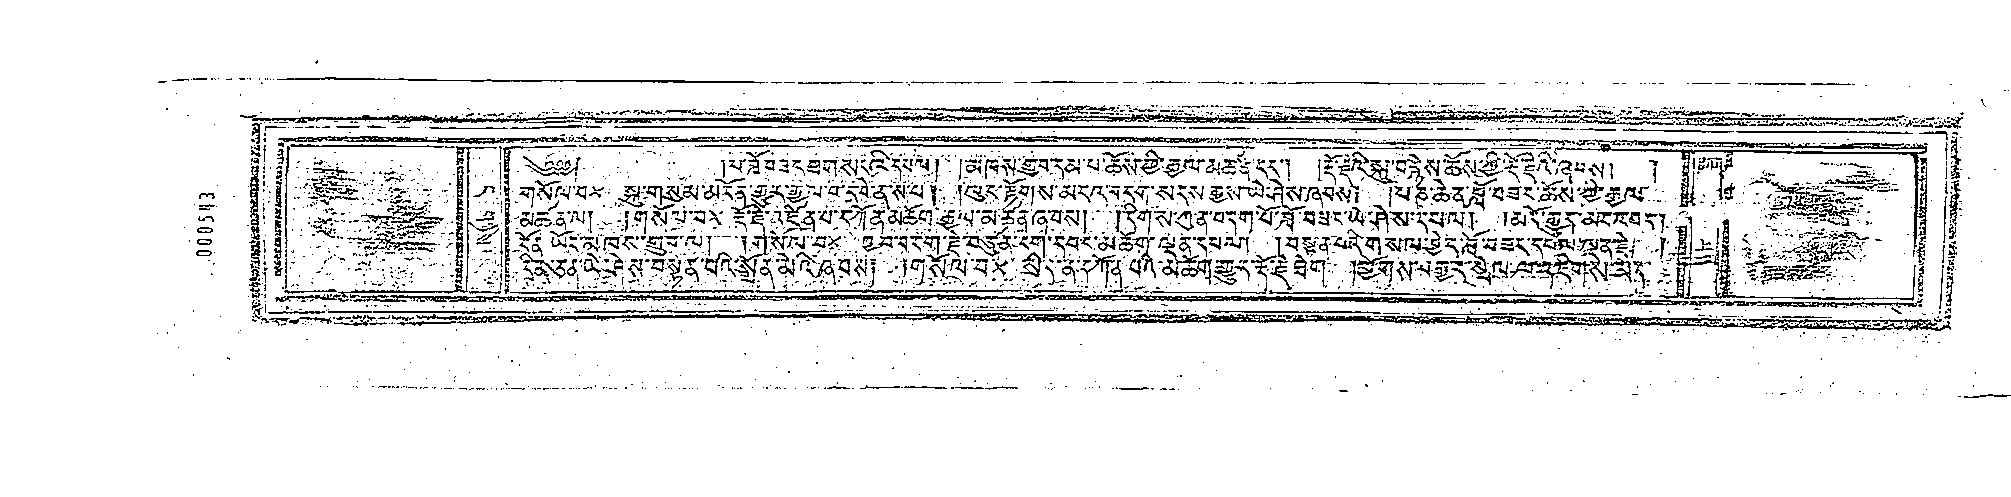༄༅༅། །པ་བློ་བཟང་གྲགས་པའི་དཔལ། །མཁས་གྲུབ་དམ་པ་ཆོས་ཀྱི་རྒྱལ་མཚན་དང་། །རྡོ་རྗེའི་སྐུ་བརྙེས་ཆོས་ཀྱི་རྡོ་རྗེའི་ཞབས། །
གསོལ་བ་྾་སྐུ་གསུམ་མངོན་གྱུར་རྒྱལ་བ་དབེན་ས་པ། །ལུང་རྟོགས་མངའ་བདག་སངས་རྒྱས་ཡེ་ཤེས་ཞབས། །པཎ་ཆེན་བློ་བཟང་ཆོས་ཀྱི་རྒྱལ་
མཚན་ལ། །གསོལ་བ་྾་རྡོ་རྗེ་འཛིན་པ་དཀོན་མཆོག་རྒྱལ་མཚན་ཞབས། །རིགས་ཀུན་བདག་པོ་བློ་བཟང་ཡེ་ཤེས་དཔལ། །མདོ་རྒྱུད་མངའ་བདག་
དོན་ཡོང་མཁས་གྲུབ་ལ། །གསོལ་བ་྾་ཁྱབ་བདག་རྗེ་བཙུན་ངག་དབང་མཆོག་ལྡན་དཔལ། །བསྟན་པའི་གསལ་བྱེད་བློ་བཟང་དཔལ་ལྡན་རྗེ། །
དྲིན་ཅན་ཡེ་ཤེས་བསྟན་པའི་སྒྲོན་མེའི་ཞབས། །གསོལ་བ་྾་སྲིན་ན་དཀོན་པའི་མཆོག་གྱུར་རྡོ་རྗེ་ཐེག །ཕྱོགས་བརྒྱར་སྤེལ་ལ་འཇིགས་མེད་